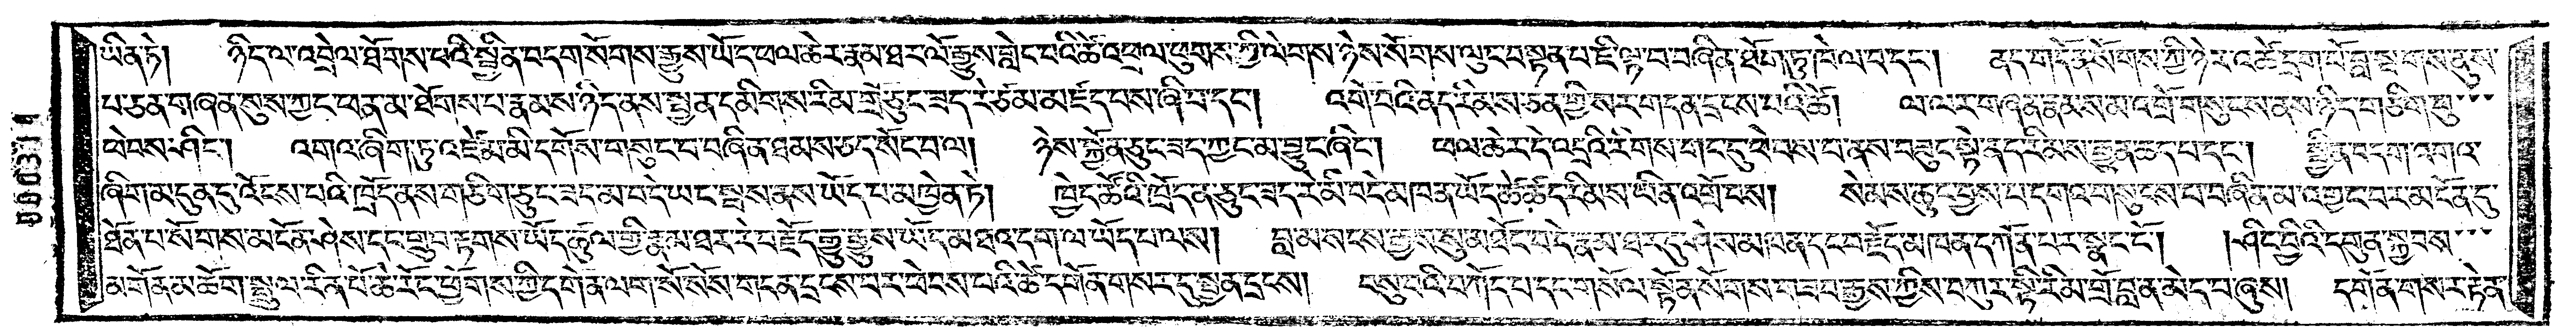ཡིན་ཏེ། ཉིད་ལ་འབྲེལ་ཐོགས་པའི་སྦྱིན་བདག་སོགས་རྒྱུས་ཡོད་ཕལ་ཆེར་རྣམ་ཐར་ལོ་རྒྱུས་གླེང་བའི་ཚེ་འཕྲལ་ཕུགས་ཀྱི་ལེགས་ཉེས་སོགས་ལུང་བསྟན་པ་ཇི་ལྟ་བ་བཞིན་ཐོག་ཏུ་ཁེལ་བ་དང་། ནད་གདོན་སོགས་ཀྱི་ཉེར་འཚེ་དྲག་པོ་ཟླ་སྔགས་ནུས་
པ་ཅན་གཞན་སུས་ཀྱང་ཕན་མ་ཐོགས་པ་རྣམས་ཉིད་ནས་སྤྱན་དམིགས་རིམ་གྲོ་ཅུང་ཟད་རེ་ཙམ་མཛད་པས་ཞི་བ་དང་། འགོ་བའི་ནད་རིམས་ཅན་གྱི་སར་གདན་དྲངས་བའི་ཚེ། ལ་ལར་གཞན་རྣམས་མ་འགྲོ་གསུངས་ནས་ཉིད་གཅིག་བུ་
ཕེབས་ཤིང་། འགའ་ཞིག་ཏུ་འཛེམ་མི་དགོས་གསུང་བ་བཞིན་ཐམས་ཅད་སོང་བ་ལ། ཉེས་སྐྱོན་ཅུང་ཟད་ཀྱང་མ་བྱུང་ཞིང་། ཕལ་ཆེར་དེ་འདྲའི་རིགས་གང་དུ་ཕེབས་པ་ནས་བཟུང་སྟེ་ནད་རིམས་རྒྱུན་ཆད་པ་དང་། སྦྱིན་འདག་འགའ་
ཞིག་མདུན་དུ་འོངས་བའི་ཁྲོད་ནས་གཅིག་ཅུང་ཟད་མ་བདེ་ཡང་སྦས་ནས་ཡོད་པ་མཁྱེན་ཏེ། ཁྱེད་ཚོའི་ཁྲོད་ན་ཅུང་ཟད་རེ་མི་བདེ་མཁན་ཡོད་ཚེ་ཚད་རིམས་ཡིན་འགྲོ་བས། སེམས་ཆུང་བྱས་པ་དགའ་གསུངས་བ་བཞིན་མ་འགྱང་བར་མངོན་དུ་
ཐོན་པ་སོགས་མངོན་ཤེས་དང་གྲུབ་རྟགས་ཡོད་ཚུལ་གྱི་རྣམ་ཐར་རེ་བརྗོད་རྒྱུ་རྒྱུས་ཡོད་མཐའ་དག་ལ་ཡོད་པ་ལས། བླ་མ་སངས་རྒྱས་སུ་མཐོང་བ་དེ་རྣམ་ཐར་དུ་ཤེས་མཁན་དང་བརྗོད་མཁན་དཀོན་པར་སྣང་ངོ། །ཤིང་བྱིའི་དགུན་སྐྱབས་
མགོན་མཆོག་སྤྲུལ་རིན་པོ་ཆེ་རོང་ཕྱོགས་ཀྱི་དགོན་ལག་སོ་སོས་གདན་དྲངས་བར་ཕེབས་པའི་ཚེ་དགོན་གསར་དུ་སྤྱན་དྲངས། བསུ་བའི་བཀོད་པ་དང་གསོལ་སྟོན་སོགས་གཟབ་རྒྱས་ཀྱིས་བཀུར་སྟི་རིམ་གྲོ་བླ་ན་མེད་པ་ཞུས། དགོན་གསར་རྟེན་